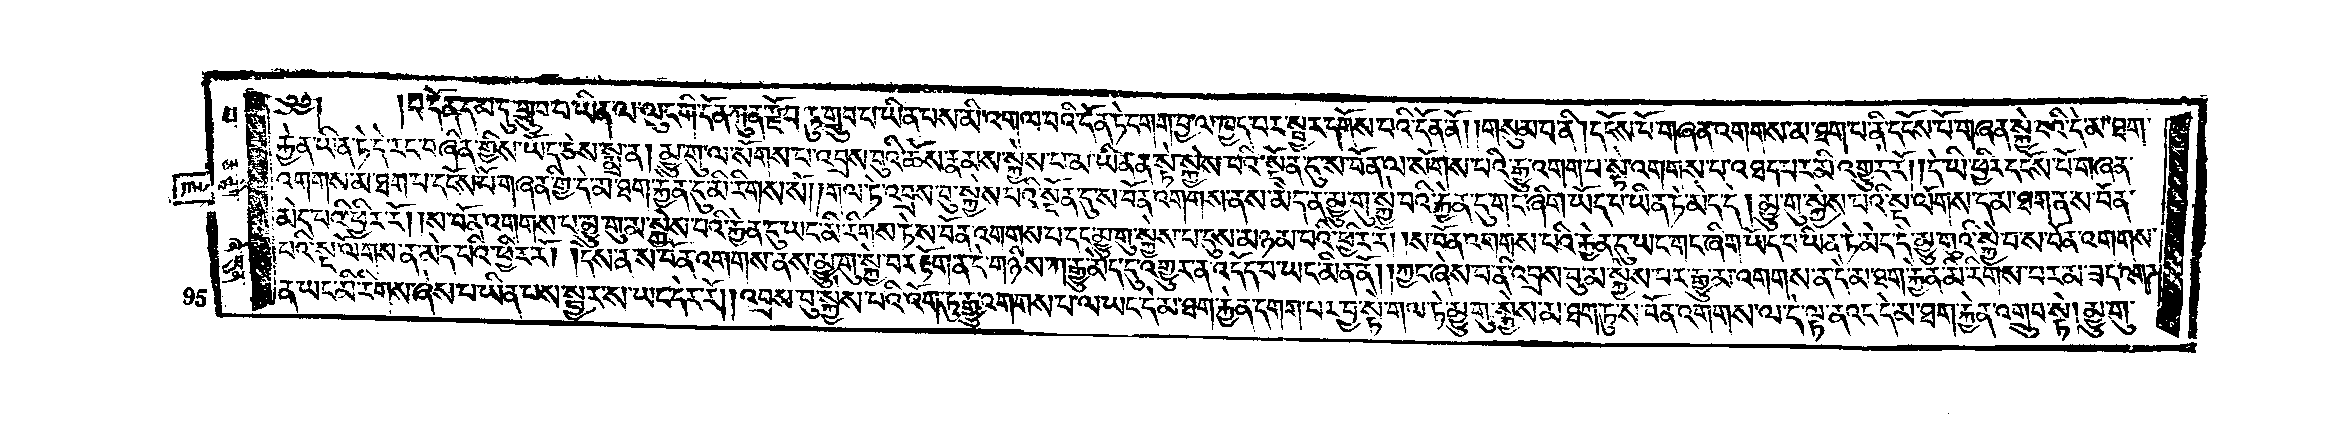༄༅། །པ་དོན་དམ་དུ་གྲུབ་པ་ཡིན་ལ་ལུང་གི་དོན་ཀུན་རྫོབ་ཏུ་གྲུབ་པ་ཡིན་པས་མི་འགལ་བའི་དོན་ཏེ་དགག་བྱ་ལ་ཁྱད་པར་སྦྱར་དགོས་པའི་དོན་ནོ། །གསུམ་པ་ནི། །དངོས་པོ་གཞན་འགགས་མ་ཐག་པ་ནི་དངོས་པོ་གཞན་སྐྱེ་བའི་དེ་མ་ཐག་
རྐྱེན་ཡིན་ཏེ་དེ་རང་བཞིན་གྱིས་ཡོད་ཅེས་སྨྲ་ན། མྱུ་གུ་ལ་སོགས་པ་འབྲས་བུའི་ཆོས་རྣམས་སྐྱེས་པ་མ་ཡིན་ན་སྟེ་སྐྱེས་པའི་སྔོན་དུ་ས་བོན་ལ་སོགས་པའི་རྒྱུ་འགག་པ་སྟེ་འགགས་པ་འཐད་པར་མི་འགྱུར་རོ། །དེ་ཡི་ཕྱིར་དངོས་པོ་གཞན་
འགགས་མ་ཐག་པ་དངོས་པོ་གཞན་གྱི་དེ་མ་ཐག་རྐྱེན་དུ་མི་རིགས་སོ། །གལ་ཏེ་འབྲས་བུ་སྐྱེས་པའི་སྔོན་དུ་ས་བོན་འགགས་ནས་མེད་ན་མྱུ་གུ་སྐྱེ་བའི་རྐྱེན་དུ་གང་ཞིག་ཡོད་པ་ཡིན་ཏེ་མེད་དེ། མྱུ་གུ་སྐྱེས་པའི་སྔ་ལོགས་དེ་མ་ཐག་ན་ས་བོན་
མེད་པའི་ཕྱིར་རོ། །ས་བོན་འགགས་པ་མྱུ་གུ་མ་སྐྱེས་པའི་རྐྱེན་དུ་ཡང་མི་རིགས་ཏེ་ས་བོན་འགགས་པ་དང་མྱུ་གུ་སྐྱེས་པ་དུས་མཉམ་པའི་ཕྱིར་རོ། །ས་བོན་འགགས་པའི་རྐྱེན་དུ་ཡང་གང་ཞིག་ཡོད་པ་ཡིན་ཏེ་མེད་དེ་མྱུ་གུའི་སྐྱེ་བ་ས་བོན་འགགས་
པའི་སྔ་ལོགས་ན་མེད་པའི་ཕྱིར་རོ། །དེས་ན་ས་བོན་འགགས་ནས་མྱུ་གུ་སྐྱེ་བར་རྟོག་ན་དེ་གཉིས་ཀ་རྒྱུ་མེད་དུ་འགྱུར་ན་འདོད་པ་ཡང་མིན་ནོ། །ཀྱང་ཞེས་པ་ནི་འབྲས་བུ་མ་སྐྱེས་པར་རྒྱུ་མ་འགགས་ན་དེ་མ་ཐག་རྐྱེན་མི་རིགས་པར་མ་ཟད་འགཌ་
ན་ཡང་མི་རིགས་ཞེས་པ་ཡིན་པས་སྦྱར་ས་ཡང་དེར་རོ། །འབྲས་བུ་སྐྱེས་པའི་འོག་ཏུ་རྒྱུ་འགགས་པ་ལ་ཡང་དེ་མ་ཐག་རྐྱེན་དགག་པར་བྱ་སྟེ་གལ་ཏེ་མྱུ་གུ་སྐྱེས་མ་ཐག་ཏུ་ས་བོན་འགགས་ལ་དེ་ལྟ་ནའང་དེ་མ་ཐག་རྐྱེན་འགྲུབ་སྟེ། མྱུ་གུ་